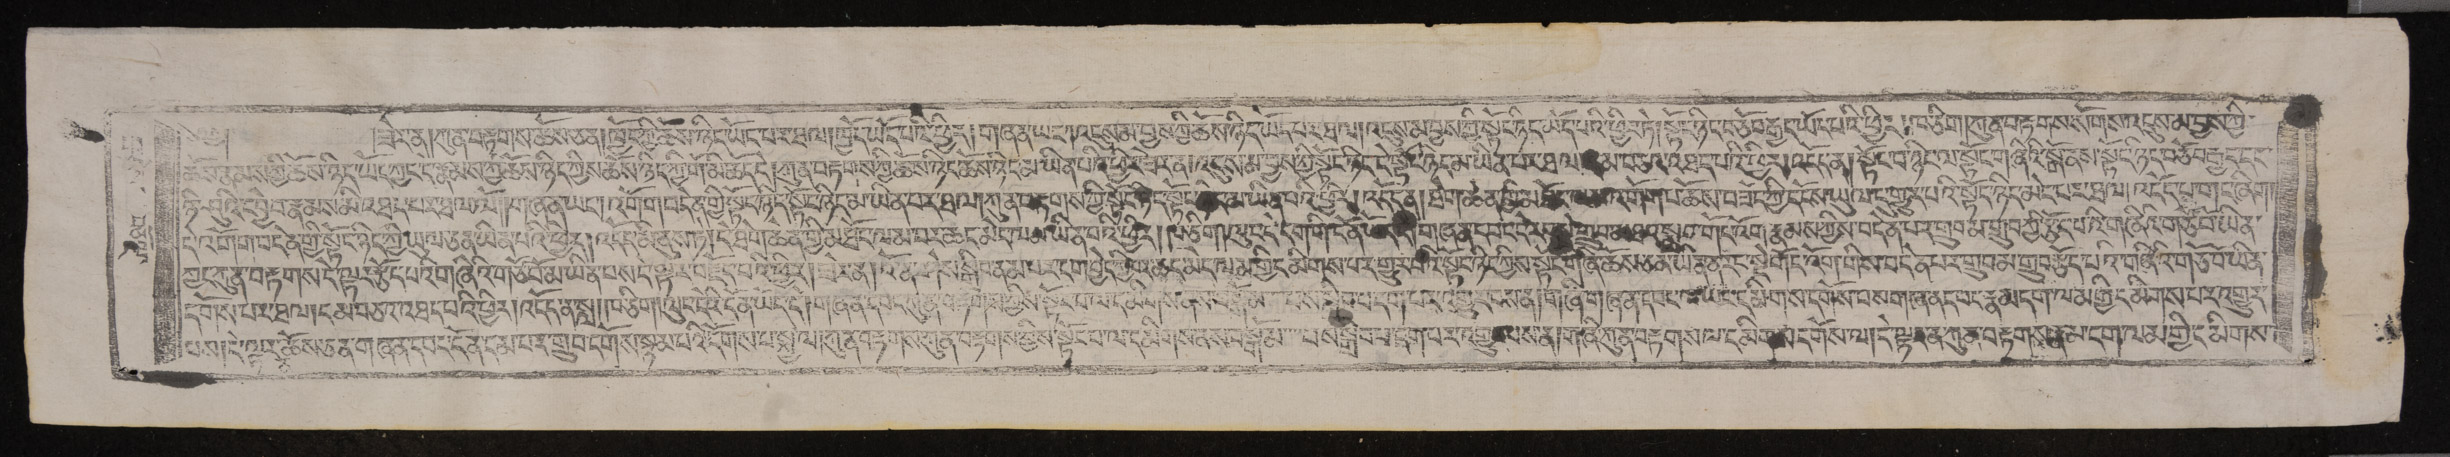༄༅། །ཟེར་ན། ཀུན་བརྟགས་ཆོས་ཅན། ཁྱོད་ཀྱི་ཆོས་ཉིད་ཡོད་པར་ཐལ། ཁྱོད་ཡོད་པའི་ཕྱིར། གཞན་ཡང་། འདུས་མ་བྱས་ཀྱི་ཆོས་ཉིད་ཡོད་པར་ཐལ། འདུས་མ་བྱས་ཀྱི་སྟོང་ཉིད་ཡོད་པའི་ཕྱིར་ཏེ། སྟོང་ཉིད་བཅོ་བརྒྱད་ཡོད་པའི་ཕྱིར། ཁ་ཅིག །ཀུན་བརྟགས་སོགས་འདུས་མ་བྱས་ཀྱི་
ཆོས་རྣམས་ཀྱི་ཆོས་ཉིད་ཡོད་ཀྱང་དེ་རྣམས་ཀྱི་ཆོས་ཉིད་ཀྱིས་ཆོས་ཉིད་ཀྱི་གོ་མི་ཆོད་དེ། ཀུན་བརྟགས་ཀྱི་ཆོས་ཉིད་ཆོས་ཉིད་མ་ཡིན་པའི་ཕྱིར་ཟེར་ན། འདུས་མ་བྱས་ཀྱི་སྟོང་ཉིད་དེ་སྟོང་ཉིད་མ་ཡིན་པར་ཐལ། དམ་བཅའ་འཐད་པའི་ཕྱིར། འདོད་ན། སྟོང་པ་ཉིད་ལ་སྟོང་གཞིའི་སྒོ་ནས་སྟོང་ཉིད་བཅོ་བརྒྱད་དང་
ཉི་ཤུའི་དབྱེ་བ་རྣམས་མི་འཐད་པར་ཐལ་ལོ། །གཞན་ཡང་། འགོག་བདེན་གྱི་སྟོང་ཉིད་སྟོང་ཉིད་མ་ཡིན་པར་ཐལ། ཀུན་བརྟགས་ཀྱི་སྟོང་ཉིད་སྟོང་ཉིད་མ་ཡིན་པའི་ཕྱིར། འདོད་ན། ཐེག་ཆེན་གྱི་མཐོང་ལམ་འགོག་པ་ཆོས་བཟོད་ཀྱི་དངོས་ཡུལ་དུ་གྱུར་པའི་སྟོང་ཉིད་མེད་པར་ཐལ། འདོད་པ་གང་ཞིག།
དེ་འགོག་བདེན་གྱི་སྟོང་ཉིད་ཀྱི་ཡུལ་ཅན་ཡིན་པའི་ཕྱིར། འདོད་མི་ནུས་ཏེ། དེ་ཐེག་ཆེན་གྱི་མཐོང་ལམ་བར་ཆད་མེད་ལམ་ཡིན་པའི་ཕྱིར། ཁ་ཅིག །ལུང་དེ་དག་གི་དོན་ཡོད་དེ། གཞན་དབང་དེ་རང་སྡེ་གྲུབ་མཐའ་སྨྲ་བ་གོང་འོག་རྣམས་ཀྱིས་བདེན་པར་གྲུབ་མ་གྲུབ་ཀྱི་རྩོད་པའི་གཞིའི་གཙོ་བོ་ཡིན་
ཀྱང་ཀུན་བརྟགས་དེ་ལྟར་རྩོད་པའི་གཞིའི་གཙོ་བོ་མ་ཡིན་པས་དེ་ལྟར་བརྗོད་པའི་ཕྱིར། ཟེར་ན། འོ་ན་ཤེས་སྒྲིབ་རྣམ་པར་དག་བྱེད་ཀྱི་བར་ཆད་མེད་ལམ་གྱི་དམིགས་པར་གྱུར་པའི་སྟོང་ཉིད་ཀྱིས་སྟོང་གཞི་ཆོས་ཅན་ཡིན་ན་རང་སྡེ་གོང་འོག་གིས་བདེན་པར་གྲུབ་མ་གྲུབ་རྩོད་པའི་གཞིའི་གཙོ་བོ་ཡིན་
དགོས་པར་ཐལ། དམ་བཅའ་འཐད་པའི་ཕྱིར། འདོད་ན་སླ། ཁ་ཅིག །ལུང་དེའི་དོན་ཡོད་དེ། གཞན་དབང་ཀུན་བརྟགས་ཀྱིས་སྟོང་པ་ལ་དམིགས་ནས་བསྒོམ་པས་སྒྲིབ་པ་དག་པར་འགྱུར་བས་ན། གཞི་གཞན་དབང་ལ་ཡང་དམིགས་དགོས་པས་གཞན་དབང་རྣམ་དག་ལམ་གྱི་དམིགས་པར་འགྱུར་
བས། དེ་ལྟར་ན་ཆོས་ཅན་གཞན་དབང་དོན་དམ་པར་གྲུབ་དགོས་སྙམ་པའི་དོགས་པ་སྐྱེ་ལ། ཀུན་བརྟགས་ཀུན་བརྟགས་ཀྱིས་སྟོང་པ་ལ་དམིགས་ནས་བསྒོམ་པས་སྒྲིབ་པ་དག་པར་འགྱུར་བས་ན། གཞི་ཀུན་བརྟགས་ལ་དམིགས་དགོས་ལ། དེ་ལྟར་ན་ཀུན་བརྟགས་རྣམ་དག་ལམ་གྱི་དམིགས་